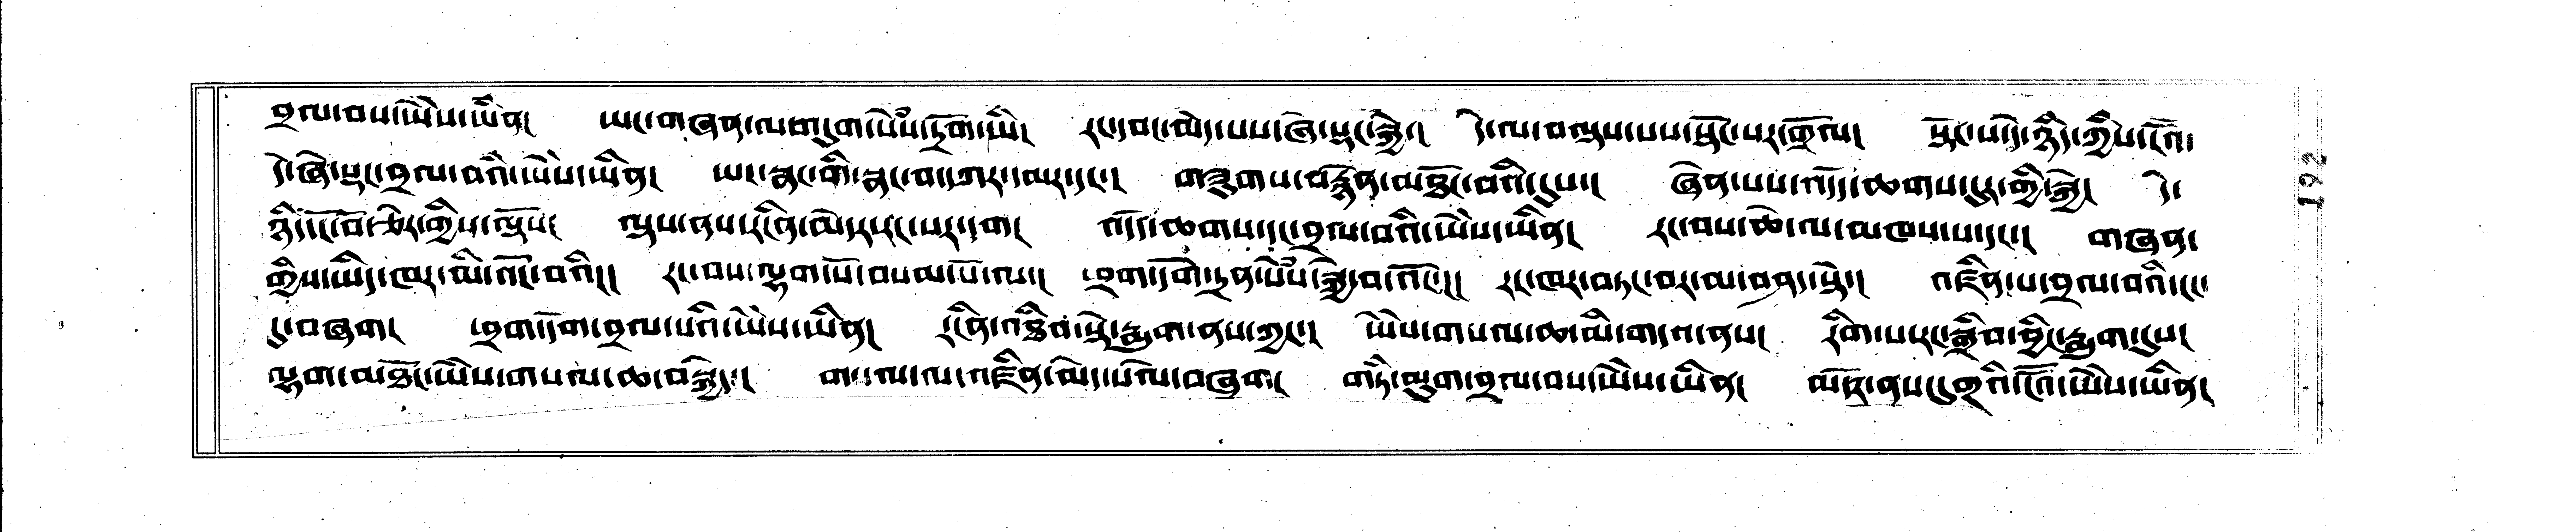བྲལ་བའི་ཡེ་ཤེས་ཡིན། ཡང་གཞན་ལ་གདུག་སེམས་དྲག་པོ་ཡི། རང་དབང་མེད་པར་ཞེ་སྡང་སྐྱེ། དེ་ལ་བལྟས་པས་སྟོང་པར་གྲོལ། སྟོང་པ་དེ་ཉིད་ཀྱིས་ངོའོ་
དེ། ཞེ་སྡང་བྲལ་བའི་ཡེ་ཤེས་ཡིན། ཡང་ཕར་སྣང་གི་སྣང་བ་དཀར་དམར་དང་། གཟུགས་བརྙན་མཛེས་སྡུག་མཐོང་བའི་དུས། ཞེན་པའི་འདོད་ཆགས་ཏུར་གྱིས་སྐྱེ། དེ་
ཉིད་ངོའོ་ལ་ཅེར་གྱིས་བལྟ། བལྟས་ན་ཞེན་པ་རང་སར་དག འདོད་ཆགས་བྲལ་བའི་ཡེ་ཤེས་ཡིན། རང་བས་ཆེ་ལ་མཁས་པ་དང་། གཞན་
གྱིས་ཡིད་ཁར་འོང་པའི། རང་བས་ལྷག་གོ་བསམ་པ་ལ། འཕྲག་དོག་འདྲེན་སེམས་སྐྱེ་བར་འོང་། རང་ཁར་བཏང་པར་མ་བཤད་དེ། འཛིན་པ་བྲལ་བའི་ངང་
དུ་བཞག འཕྲག་དོག་བྲལ་བའི་ཡེ་ཤེས་ཡིན། རང་བཞིན་རྨུག་སྟེ་འཐིབ་ནས་ཀྱང་། ཡེ་ཤེས་གསལ་ཆ་མི་གདའ་ནས། རིག་པ་རང་སྒྲིབ་བྱིང་རྨུག་དུས། 
ལྷག་མཐོང་ཡེ་ཤེས་གསལ་ཆ་བསྐྱེད། གསལ་ལ་འཛིན་མེད་སལེ་བཞག གཏི་མུག་བྲལ་བའི་ཡེ་ཤེས་ཡིན། མདོར་ན་དུག་ལྔ་བྲལ་བའི་ངོའོ་ཡེ་ཤེས་ཡིན།